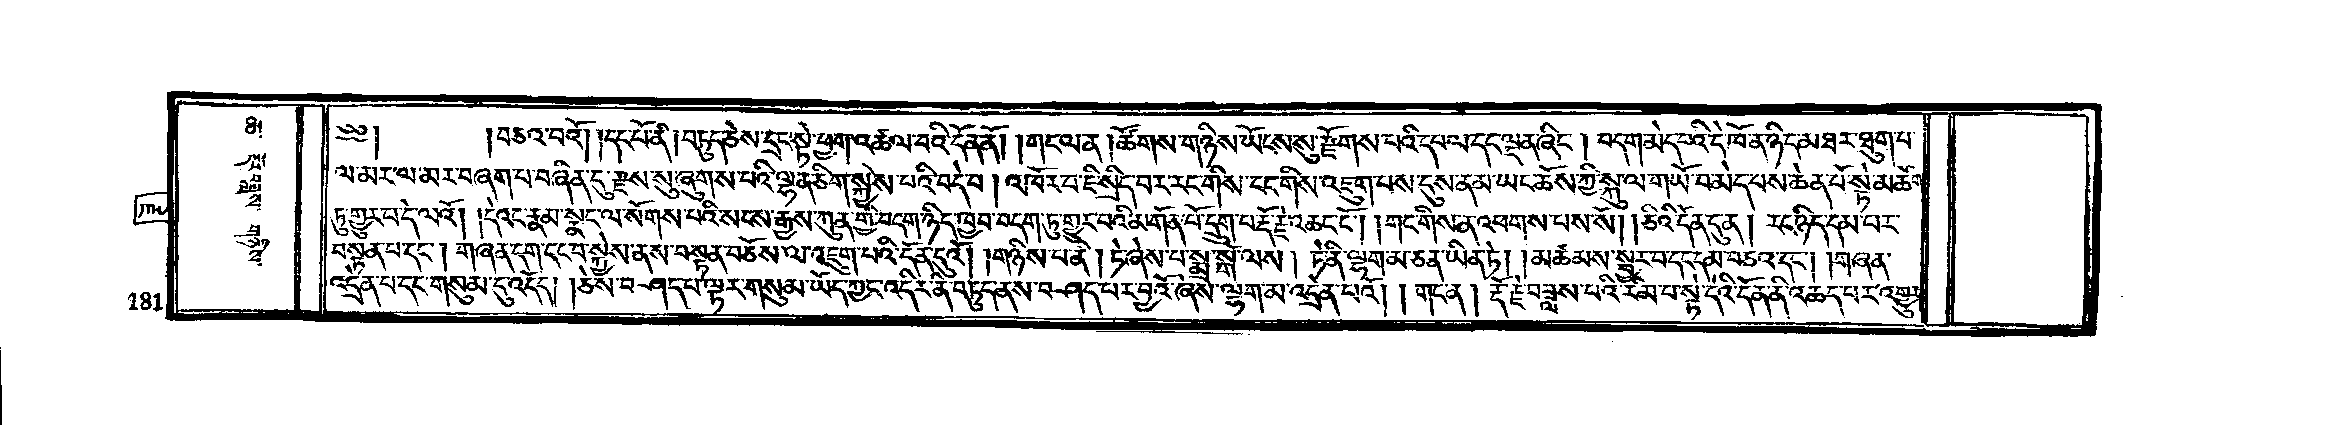༄༅། །བཅའ་བའོ། །དང་པོ་ནི། བཏུད་ཅེས་དྲང་སྟེ་ཕྱག་འཚལ་བའི་དོན་ནོ། །གང་ལ་ན། ཚོགས་གཉིས་ཡོངས་སུ་རྫོགས་པའི་དཔལ་དང་ལྡན་ཞིང་། བདག་མེད་པའི་དེ་ཁོ་ན་ཉིད་མཐར་ཐུག་པ་
ལ་མར་ལ་མར་བཞག་པ་བཞིན་དུ་རྗེས་སུ་ཞུགས་པའི་ལྷན་ཅིག་སྐྱེས་པའི་བདེ་བ། འཁོར་བ་ཇི་སྲིད་བར་རང་གིས་ངང་གིས་འཇུག་པས་དུས་ནམ་ཡང་ཆོས་ཀྱི་སྐུ་ལ་གཡོ་བ་མེད་པས་ཆེན་པོ་སྟེ་མཆོག་
ཏུ་གྱུར་པ་དེ་ལའོ། །དེའང་རྣམ་སྣང་ལ་སོགས་པའི་སངས་རྒྱས་ཀུན་གྱི་བདག་ཉིད་ཁྱབ་བདག་ཏུ་གྱུར་པའི་མགོན་པོ་དྲུག་པ་རྡོ་རྗེ་འཆང་ངོ། །གང་གིས་ན་འཕགས་པས་སོ། །ཅིའི་དོན་དུ་ན། རང་ཉིད་དམ་པར་
བསྟན་པ་དང་། གཞན་དག་དང་བ་སྐྱེས་ནས་བསྟན་བཅོས་ལ་འཇུག་པའི་དོན་དུའོ། །གཉིས་པ་ནི། ཏེ་ཞེས་པ་སྨྲ་སྒོ་ལས། ཏེ་ནི་ལྷག་མ་ཅན་ཡིན་ཏེ། །མཚམས་སྦྱར་བ་དང་དམ་བཅའ་དང་། །གཞན་
འདྲེན་པ་དང་གསུམ་དུ་འདོད། །ཅེས་བཤད་པ་ལྟར་གསུམ་ཡོད་ཀྱང་འདིར་ནི་བཏུད་ནས་བཤད་པར་བྱའོ་ཞེས་ལྷག་མ་འདྲེན་པའོ། །གང་ན། རྡོ་རྗེ་བཟླས་པའི་རིམ་པ་སྟེ་དེའི་དོན་ནི་འཆད་པར་འགྱུར་